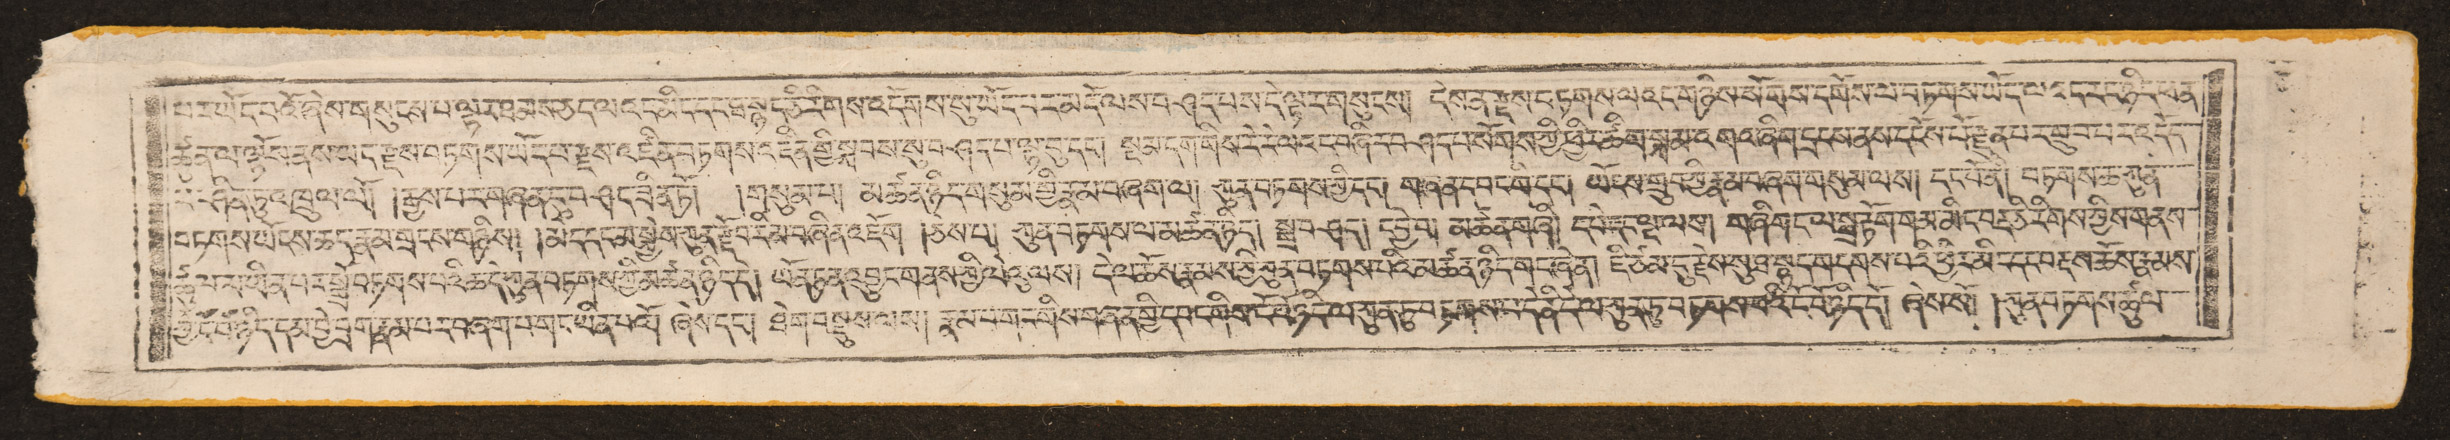པར་ཡོད་པའོ་ཞེས་གསུངས་པ་ལྟར་ཐམས་ཅད་ལའང་མིང་དང་ཐ་སྙད་ཅི་རིགས་འདོགས་སུ་ཡོད་པར་མདོ་ལས་བཤད་པས་དེ་ལྟར་གསུངས། དེས་ན་རྫས་བཏགས་ལའང་གཉིས་སོགས་དགོས་ལ་བཏགས་ཡོད་ལའང་རང་ཉིད་ཕན་
ཚུན་ལ་ལྟོས་ནས་ཡང་རྫས་བཏགས་ཡོད་པ་རྫས་འཛིན་བཏགས་འཛིན་གྱི་སྐབས་སུ་བཤད་པ་ལྟ་བུ་དང་། སྔ་མ་དག་གིས་རེ་རེ་ལའང་བཞིར་བཤད་པ་སོགས་ཀྱི་ཕྱིར་ཚིག་སྐམ་འགའ་ཞིག་དྲངས་ནས་དངོས་པོ་རྫུན་པར་གྲུབ་པར་འདོད་
པ་ཤིན་ཏུ་འཁྲུལ་ལོ། །རྒྱས་པར་གཞན་དུ་བཤད་ཟིན་ཏོ། །གསུམ་པ། མཚན་ཉིད་གསུམ་གྱི་རྣམ་བཞག་ལ། ཀུན་བཏགས་ཀྱི་དང་། གཞན་དབང་གི་དང་། ཡོངས་གྲུབ་ཀྱི་རྣམ་བཞག་གསུམ་ལས། དང་པོ་ནི། བཏགས་ཆ་ཀུན་
བཏགས་ཡོངས་ཆད་རྣམ་གྲངས་གཉིས། །མེད་དང་མ་སྐྱེས་ཀུན་རྫོབ་རིམ་བཞིན་འཇོག །ཅེས་པ། ཀུན་བཏགས་ལ་མཚན་ཉིད། སྒྲ་བཤད། དབྱེ་བ། མཚན་གཞི། དཔེ་དང་ལྔ་ལས། གཞི་གང་ལ་སྒྲ་རྟོག་གམ་མིང་བརྡ་ཅི་རིགས་ཀྱིས་གནས་
ཚུལ་མ་ཡིན་པར་སྒྲོ་བཏགས་པའི་ཆ་དེ་ཀུན་བཏགས་ཀྱི་མཚན་ཉིད་དེ། ཡོན་ཏན་འབྱུང་གནས་ཀྱི་ལེའུ་ལས། དེ་ལ་ཆོས་རྣམས་ཀྱི་ཀུན་བཏགས་པའི་མཚན་ཉིད་གང་ཞེ་ན། ཇི་ཙམ་དུ་རྗེས་སུ་ཐ་སྙད་གདགས་པའི་ཕྱིར་མིང་དང་བརྡས་ཆོས་རྣམས་
ཀྱི་ངོ་བོ་ཉིད་དམ་བྱེ་དྲག་རྣམ་པར་བཞག་པ་གང་ཡིན་པའོ། ཞེས་དང་། ཐེག་བསྡུས་ལས། རྣམ་པ་གང་གིས་གཞན་གྱི་དབང་གིས་ངོ་བོ་ཉིད་ལ་ཀུན་ཏུ་བཏགས་པ་དེ་ནི་དེ་ལ་ཀུན་ཏུ་བཏགས་པའི་ངོ་བོ་ཉིད་དོ། ཞེས་སོ། །ཀུན་བཏགས་ཚུལ་